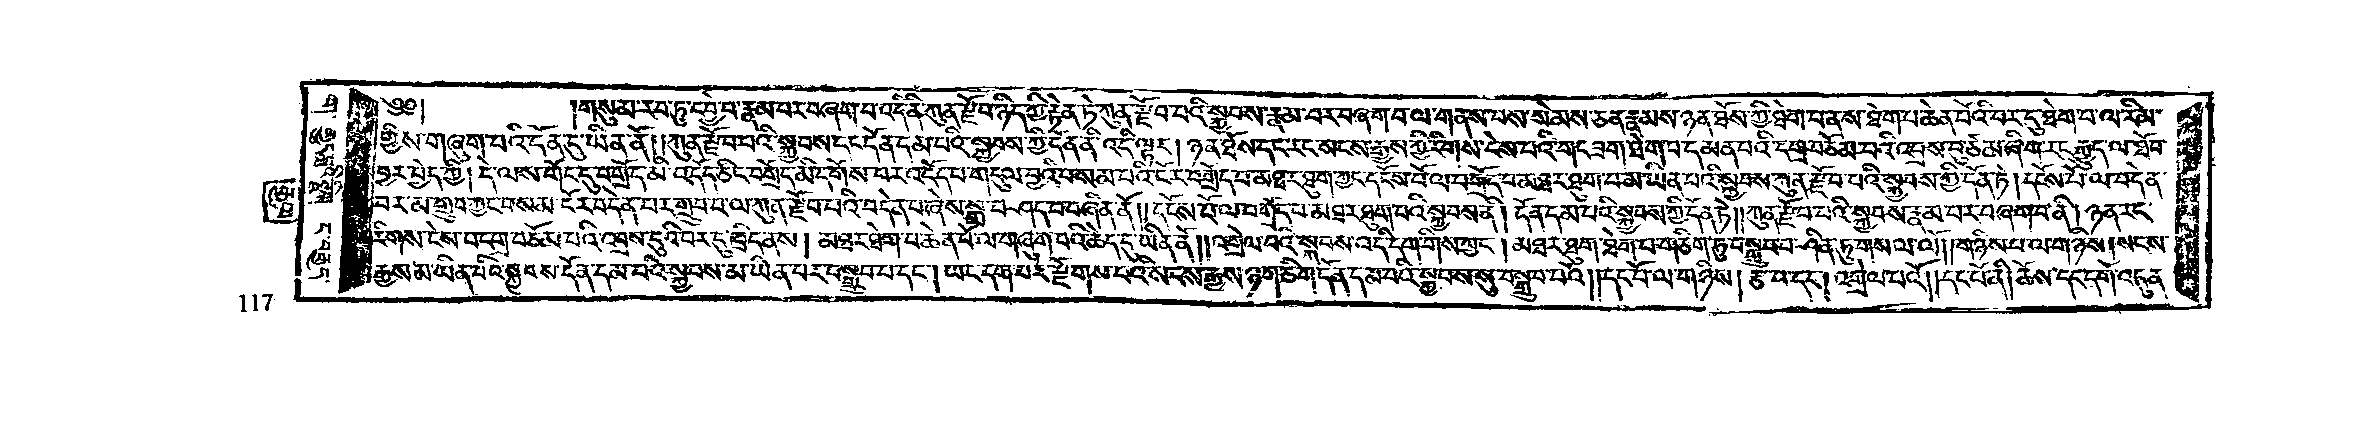༄༅། །གསུམ་རབ་ཏུ་དབྱེ་བ་རྣམ་པར་བཞག་པ་འདི་ནི་ཀུན་རྫོབ་ཉིད་ཀྱི་རྟེན་ཏེ་ཀུན་རྫོབ་པའི་སྐྱབས་རྣམ་པར་བཞག་པ་ལ་གནས་པས་སེམས་ཅན་རྣམས་ཉན་ཐོས་ཀྱི་ཐེག་པ་ནས་ཐེག་པ་ཆེན་པོའི་བར་དུ་ཐེག་པ་ལ་རིམ་
གྱིས་གཞུག་པའི་དོན་དུ་ཡིན་ནོ། །ཀུན་རྫོབ་པའི་སྐྱབས་དང་དོན་དམ་པའི་སྐྱབས་ཀྱི་དོན་ནི་འདི་ལྟར། ཉན་ཐོས་དང་རང་སངས་རྒྱས་ཀྱི་རིགས་ངེས་པའི་གང་ཟག་ཐེག་པ་དམན་པའི་དགྲ་བཅོམ་པའི་འབྲས་བུ་ཙམ་ཞིག་རང་རྒྱུད་ལ་ཐོབ་
བྱར་བྱེད་ཀྱི། དེ་ལས་གོང་དུ་བགྲོད་མི་འདོད་ཅིང་བགྲོད་མི་དགོས་པར་འདོད་པ་གདུལ་བྱའི་བསམ་པའི་ངོར་བགྲོད་པ་མཐར་ཐུག་ཀྱང་དངོས་པོ་ལ་བགྲོད་པ་མཐར་ཐུག་པ་མ་ཡིན་པའི་སྐྱབས་ཀུན་རྫོབ་པའི་སྐྱབས་ཀྱི་དོན་ཏེ། དངོས་པོ་ལ་བདེན་
པར་མ་གྲུབ་ཀྱང་བསམ་ངོར་བདེན་པར་གྲུབ་པ་ལ་ཀུན་རྫོབ་པའི་བདེན་པ་ཞེས་སྒྲ་བཤད་པ་བཞིན་ནོ། །དངོས་པོ་ལ་བགྲོད་པ་མཐར་ཐུག་པའི་སྐྱབས་ནི། དོན་དམ་པའི་སྐྱབས་ཀྱི་དོན་ཏེ། །ཀུན་རྫོབ་པའི་སྐྱབས་རྣམ་པར་བཞག་པ་ནི། ཉན་རང་
རིགས་ངེས་པ་དགྲ་བཅོམ་པའི་འབྲས་བུའི་བར་དུ་ཁྲིད་ནས། མཐར་ཐེག་པ་ཆེན་པོ་ལ་གཞུག་པའི་ཆེད་དུ་ཡིན་ནོ། །འགྲེལ་པའི་སྐབས་འདི་དག་གིས་ཀྱང་། མཐར་ཐུག་ཐེག་པ་གཅིག་ཏུ་བསྒྲུབ་པ་ཤིན་ཏུ་གསལ་ལོ། །གཉིས་པ་ལ་གཉིས། སངས་
རྒྱས་མ་ཡིན་པའི་སྐྱབས་དོན་དམ་པའི་སྐྱབས་མ་ཡིན་པར་བསྒྲུབ་པ་དང་། ཡང་དག་པར་རྫོགས་པའི་སངས་རྒྱས་ཉག་ཅིག་དོན་དམ་པའི་སྐྱབས་སུ་བསྒྲུབ་པའོ། །དང་པོ་ལ་གཉིས། རྩ་བ་དང་། འགྲེལ་པའོ། །དང་པོ་ནི། ཆོས་དང་དགེ་འདུན་